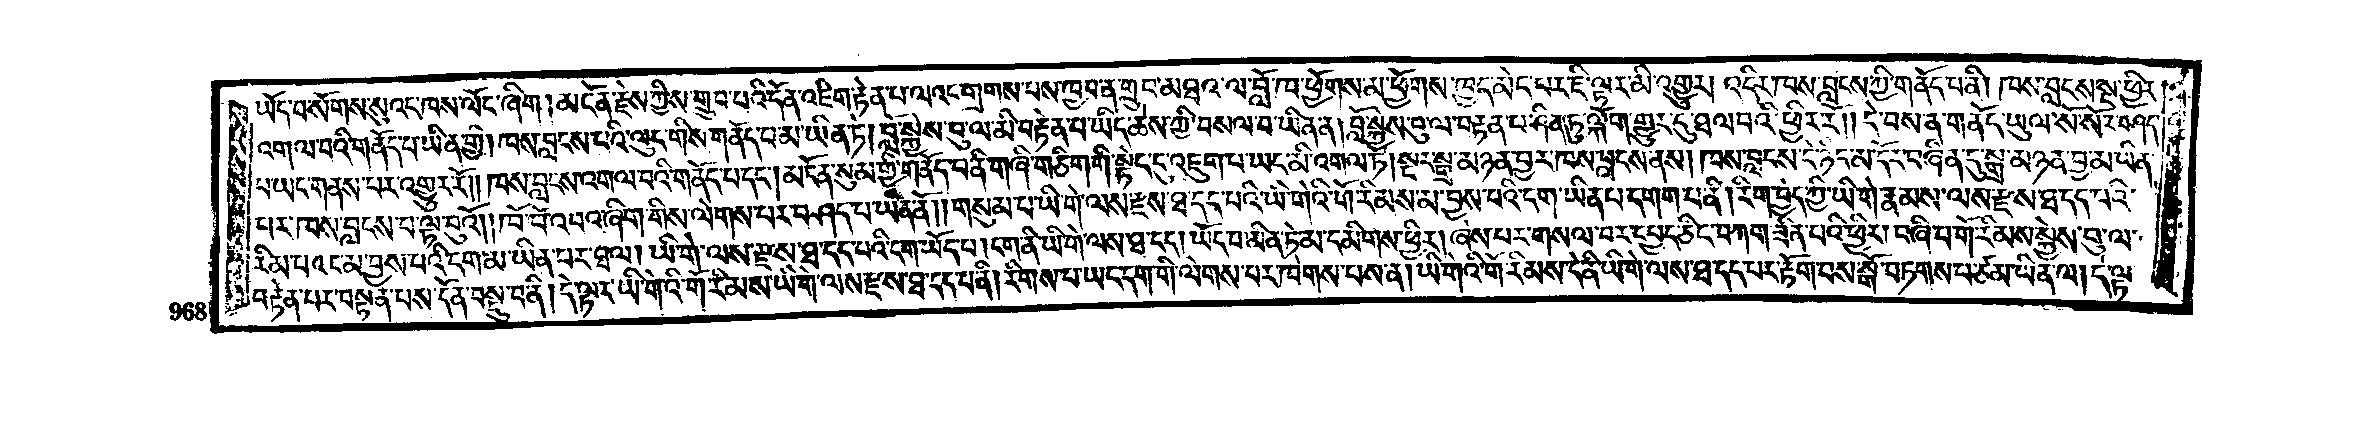ཡོད་པ་སོགས་སུའང་ཁས་ལོང་ཞིག །མངོན་རྗེས་ཀྱིས་གྲུབ་པའི་དོན་འཇིག་རྟེན་པ་ལའང་གྲགས་པས་ཁྱབ་ན་གྲུབ་མཐའ་ལ་བློ་ཁ་ཕྱོགས་མ་ཕྱོགས་ཁྱད་མེད་པར་ཇི་ལྟར་མི་འགྱུར། འདིར་ཁས་བླངས་ཀྱི་གནོད་པ་ནི། ཁས་བླངས་སྔ་ཕྱིར་
འགལ་བའི་གནོད་པ་ཡིན་གྱི། ཁས་བླངས་པའི་ལུང་གིས་གནོད་པ་མ་ཡིན་ཏེ། བློ་སྐྱེས་བུ་ལ་མི་བརྟེན་པ་ཡིད་ཆེས་ཀྱི་བསལ་བ་ཡིན་ན། བློ་སྐྱེས་བུ་ལ་བརྟན་པ་ཤིན་ཏུ་ལྐོག་གྱུར་དུ་ཐལ་བའི་ཕྱིར་རོ། །དེ་བས་ན་གནོད་ཡུལ་སོ་སོར་བཤད་
པ་ཡང་གནས་པར་འགྱུར་རོ། །ཁས་བླངས་འགལ་བའི་གནོད་པ་དང་། མངོན་སུམ་གྱི་གནོད་པ་ནི་གཞི་གཅིག་གི་སྟེང་དུ་འཇུག་པ་ཡང་མི་འགལ་ཏེ། སྔར་སྒྲ་མཉན་བྱར་ཁས་བླངས་ནས། ཁས་བླངས་དེ་ཉིད་མ་དོར་བཞིན་དུ་སྒྲ་མཉན་བྱ་མ་ཡིན་
པར་ཁས་བླངས་པ་ལྟ་བུའོ། །ཁོ་བོ་འབའ་ཞིག་གིས་ལེགས་པར་བཤད་པ་ཡིན་ནོ། །གསུམ་པ་ཡི་གེ་ལས་རྫས་ཐ་དད་པའི་ཡི་གེའི་གོ་རིམས་མ་བྱས་པའི་ངག་ཡིན་པ་དགག་པ་ནི། རིག་བྱེད་ཀྱི་ཡི་གེ་རྣམས་ལས་རྫས་ཐ་དད་པའི་
རིམ་པའང་མ་བྱས་པའི་ངག་མ་ཡིན་པར་ཐལ། ཡི་གེ་ལས་རྫས་ཐ་དད་པའི་ངག་ཡོད་པ། ངག་ནི་ཡི་གེ་ལས་ཐ་དད། ཡོད་པ་མིན་ཏེ་མ་དམིགས་ཕྱིར། ཞེས་པར་གསལ་བར་དཔྱད་ཅིང་བཀག་ཟིན་པའི་ཕྱིར། བཞི་པ་གོ་རིམས་སྐྱེས་བུ་ལ་
བརྟེན་པར་བསྟན་པས་དོན་བསྡུ་བ་ནི། དེ་ལྟར་ཡི་གེའི་གོ་རིམས་ཡི་གེ་ལས་རྫས་ཐ་དད་པ་ནི། རིགས་པ་ཡང་དག་གི་ལེགས་པར་ཁེགས་པས་ན། ཡི་གེའི་གོ་རིམས་དེ་ནི་ཡི་གེ་ལས་ཐ་དད་པར་རྟོག་པས་སྒོ་བཏགས་པ་ཙམ་ཡིན་ལ། དེ་ལྟ་